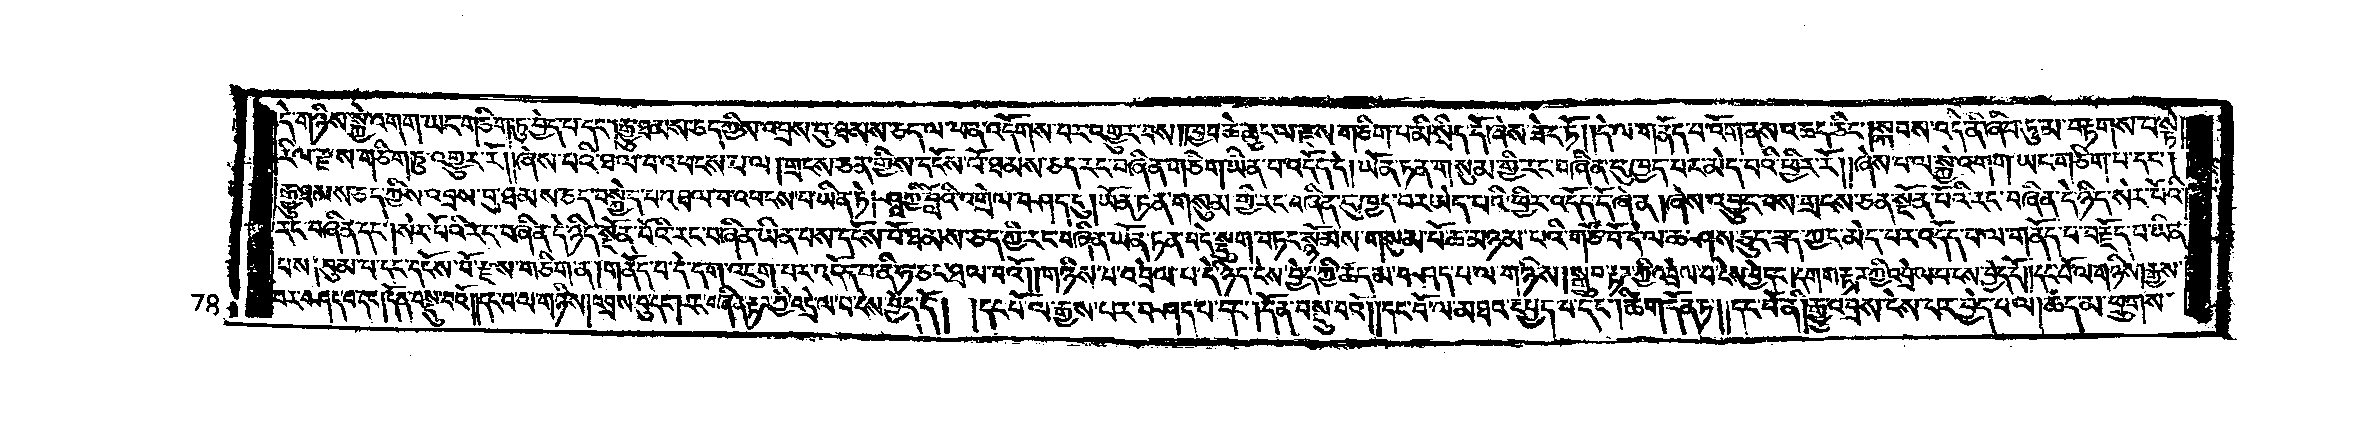དེ་གཉིས་སྐྱེ་འགག་ཡང་གཅིག་ཏུ་བྱེད་པ་དང་། རྒྱུ་ཐམས་ཅད་ཀྱིས་འབྲས་བུ་ཐམས་ཅད་ལ་ཕན་འདོགས་པར་འགྱུར་བས། ཁྱབ་ཆེ་ཆུང་ལ་རྫས་གཅིག་པ་མི་སྲིད་དོ་ཞེས་ཟེར་ཏོ། །དེ་ལ་གནོད་པ་འོག་ནས་འཆད་ཅིང་། སྐབས་འདི་ནི་ཞིབ་ཏུ་མ་བརྟགས་པ་སྟེ།
རིལ་རྫས་གཅིག་ཏུ་འགྱུར་རོ། །ཞེས་པའི་ཐལ་བ་འཕངས་པ་ལ། གྲངས་ཅན་གྱིས་དངོས་པོ་ཐམས་ཅད་རང་བཞིན་གཅིག་ཡིན་པ་འདོད་དེ། ཡོན་ཏན་གསུམ་གྱི་རང་བཞིན་དུ་ཁྱད་པར་མེད་པའི་ཕྱིར་རོ། །ཞེས་པ་ལ་སྐྱེ་འགག་ཡང་གཅིག་པ་དང་།
རྒྱུ་ཐམས་ཅད་ཀྱིས་འབྲས་བུ་ཐམས་ཅད་བསྐྱེད་པ་ལ་ཐལ་བ་འཕངས་པ་ཡིན་ཏེ། ཤཱཀྱི་བློའི་འགྲེལ་བཤད་དུ། ཡོན་ཏན་གསུམ་གྱི་རང་བཞིན་དུ་ཁྱད་པར་མེད་པའི་ཕྱིར་འདོད་དོ་ཞེ་ན། ཞེས་འབྱུང་བས་གྲངས་ཅན་སྔོན་པོའི་རང་བཞིན་དེ་ཉིད་སེར་པོའི་
རང་བཞིན་དང་། སེར་པོའི་རང་བཞིན་དེ་ཉིད་སྔོན་པོའི་རང་བཞིན་ཡིན་པས་དངོས་པོ་ཐམས་ཅད་ཀྱི་རང་བཞིན་ཡོན་ཏན་བདེ་སྡུག་བཏང་སྙོམས་གསུམ་པོ་ཆ་མཉམ་པའི་གཙོ་བོ་དེ་ལ་ཆ་ཤས་ཅུང་ཟད་ཀྱང་མེད་པར་འདོད་པ་ལ་གནོད་པ་བརྗོད་པ་ཡིན་
པས། བུམ་པ་དང་དངོས་པོ་རྫས་གཅིག་ན། གནོད་པ་དེ་དག་འཇུག་པར་འདོད་པ་ནི་ཧ་ཅང་ཐལ་བའོ། །གཉིས་པ་འབྲེལ་པ་དེ་ཉིད་ངེས་བྱེད་ཀྱི་ཚད་མ་བཤད་པ་ལ་གཉིས། སྒྲུབ་རྟགས་ཀྱི་འབྲེལ་བ་ངེས་བྱེད་དང་། དགག་རྟགས་ཀྱི་འབྲེལ་པ་ངེས་བྱེད་དོ། །དང་པོ་ལ་གཉིས། རྒྱས་
བར་བཤད་པ་དང་། དོན་བསྡུ་བའོ། །དང་པོ་ལ་གཉིས། འབྲས་བུ་དག་རང་བཞིན་རྟགས་ཀྱི་འདྲེ་ལ་བ་ངེས་བྱེད་དོ། །དང་པོ་ལ་རྒྱས་པར་བཤད་པ་དང་། དོན་བསྡུ་བའོ། །དང་པོ་ལ་མཐའ་དཔྱད་པ་དང་། ཚིག་དོན་ཏེ། །དང་པོ་ནི། རྒྱུ་འབྲས་ངེས་པར་བྱེད་པ་ལ། ཚད་མ་ཕྲུགས་